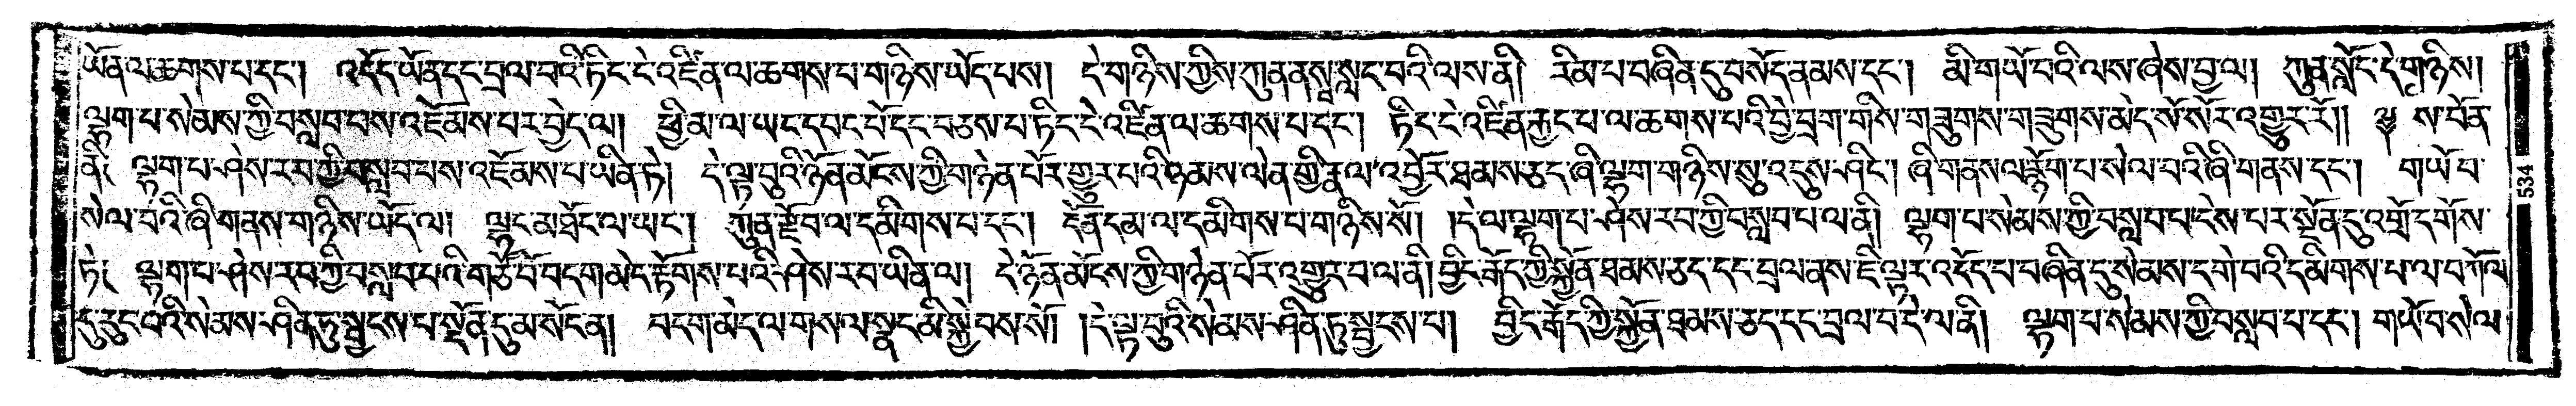ཡོན་ལ་ཆགས་པ་དང་། འདོད་ཡོན་དང་བྲལ་བའི་ཏིང་ངེ་འཛིན་ལ་ཆགས་པ་གཉིས་ཡོད་པས། དེ་གཉིས་ཀྱིས་ཀུན་ནས་བསླང་བའི་ལས་ནི། རིམ་པ་བཞིན་དུ་བསོད་ནམས་དང་། མི་གཡོ་བའི་ལས་ཞེས་བྱ་ལ། ཀུན་སློང་དེ་གཉིས།
ལྷག་པ་སེམས་ཀྱི་བསླབ་པས་འཇོམས་པར་བྱེད་ལ། ཕྱི་མ་ལ་ཡང་དབང་པོ་དང་བཅས་པ་ཏིང་ངེ་འཛིན་ལ་ཆགས་པ་དང་། ཏིང་ངེ་འཛིན་རྐྱང་པ་ལ་ཆགས་པའི་བྱེ་བྲག་གིས་གཟུགས་གཟུགས་མེད་སོ་སོར་འགྱུར་རོ།། ༈ ས་བོན་
ནི། ལྷག་པ་ཤེས་རབ་ཀྱི་བསླབ་པས་འཇོམས་པ་ཡིན་ཏེ། དེ་ལྟ་བུའི་ཉོན་མོངས་ཀྱི་གཉེན་པོར་གྱུར་པའི་ཉམས་ལེན་གྱི་རྣལ་འབྱོར་ཐམས་ཅད་ཞི་ལྷག་གཉིས་སུ་འདུས་ཤིང་། ཞི་གནས་ལ་རྙོག་པ་སེལ་བའི་ཞི་གནས་དང་། གཡོ་བ་
སེལ་བའི་ཞི་གནས་གཉིས་ཡོད་ལ། ལྷང་མཐོང་ལ་ཡང་། ཀུན་རྫོབ་ལ་དམིགས་པ་དང་། དོན་དམ་ལ་དམིགས་པ་གཉིས་སོ། །དེ་ལ་ལྷག་པ་ཤེས་རབ་ཀྱི་བསླབ་པ་ལ་ནི། ལྷག་པ་སེམས་ཀྱི་བསླབ་པ་ངེས་པར་སྔོན་དུ་འགྲོ་དགོས་
ཏེ། ལྷག་པ་ཤེས་རབ་ཀྱི་བསླབ་པའི་གཙོ་བོ་བདག་མེད་རྟོགས་པའི་ཤེས་རབ་ཡིན་ལ། དེ་ཉོན་མོངས་ཀྱི་གཉེན་པོར་འགྱུར་བ་ལ་ནི། བྱིང་རྒོད་ཀྱི་སྐྱོན་ཐམས་ཅད་དང་བྲལ་ནས་ཇི་ལྟར་འདོད་པ་བཞིན་དུ་སེམས་དགེ་བའི་དམིགས་པ་ལ་བཀོལ་
དུ་རུང་བའི་སེམས་ཤིན་ཏུ་སྦྱངས་པ་སྔོན་དུ་མ་སོང་ན། བདག་མེད་ལ་གསལ་སྣང་མི་སྐྱེ་བས་སོ། །དེ་ལྟ་བུའི་སེམས་ཤིན་ཏུ་སྦྱངས་པ། བྱིང་རྒོད་ཀྱི་སྐྱོན་ཐམས་ཅད་དང་བྲལ་བ་དེ་ལ་ནི། ལྷག་པ་སེམས་ཀྱི་བསླབ་པ་དང་། གཡོ་བ་སེལ་